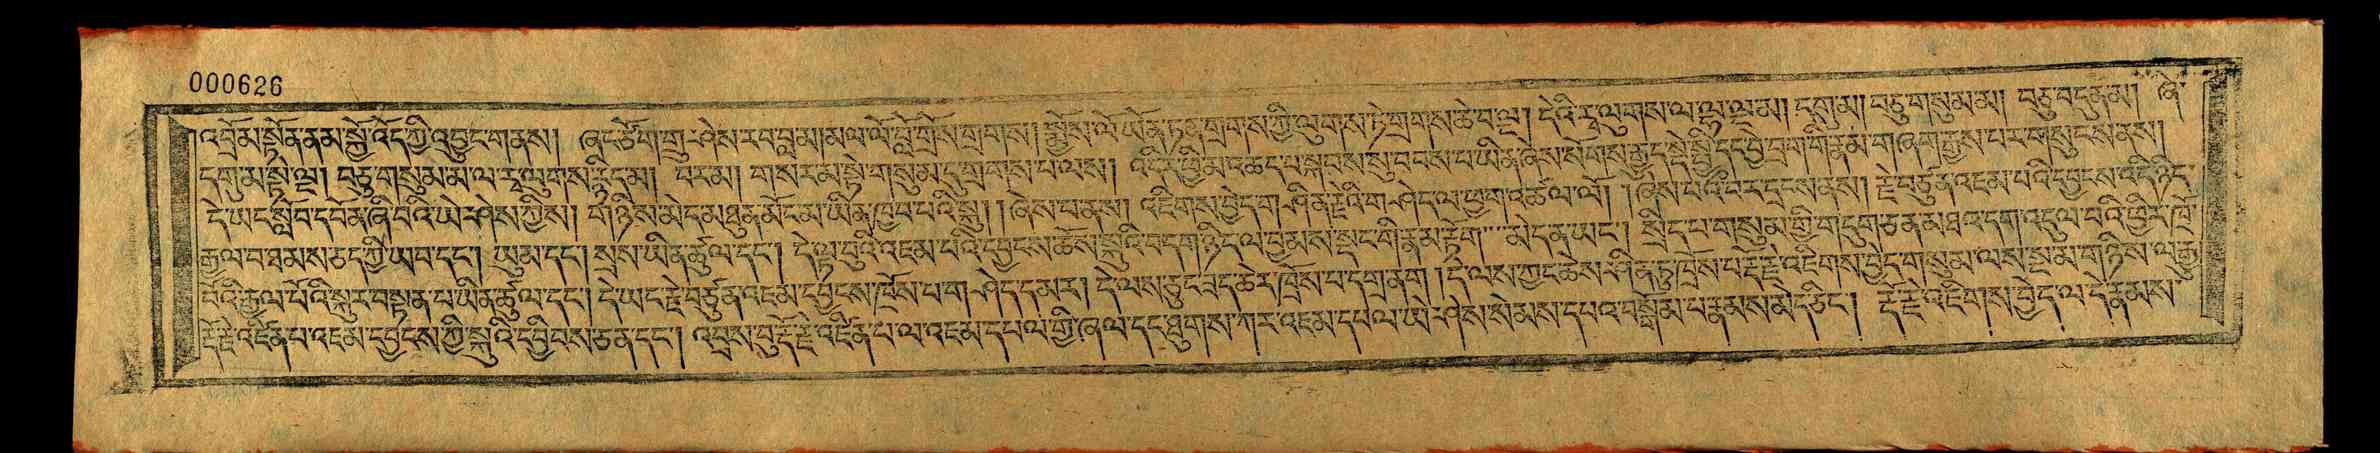འབྲོམ་སྟོན་ནམ་སྐྱོ་འོད་ཀྱི་འབྱུང་གནས། ཞང་ཅོག་གྲུ་ཤེས་རབ་བླ་མ། མལ་ལོ་བློ་གྲོས་གྲགས། སྨྱོས་ལོ་ཡོན་ཏན་གྲགས་ཀྱི་ལུགས་ཏེ་གྲགས་ཆེ་བ་ལྔ། དེའི་རྭ་ལུགས་ལ་ལྷ་ལྔ་མ། དགུ་མ། བཅུ་གསུམ་མ། བཅུ་བདུན་མ། ཞེ་
དགུ་མ་སྟེ་ལྔ། བཅུ་གསུམ་མ་ལ་རྭ་ལུགས་རྙིང་མ། བར་མ། གསར་མ་སྟེ་གསུམ་དུ་གྲགས་པ་ལས། འདིར་ཕྱི་མ་འཆད་པ་སྐབས་སུ་བབས་པ་ཡིན་ཞེས་སོགས་རྒྱུད་སྡེ་སྤྱི་དང་བྱེ་བྲག་གི་རྣམ་གཞག་རྒྱས་པར་གསུངས་ནས།
དེ་ཡང་སློབ་དཔོན་ཞི་བའི་ཡེ་ཤེས་ཀྱིས། གཉིས་མེད་མཐུན་མོང་མ་ཡིན་ཁྱབ་པའི་སྐུ། །ཞེས་པ་ནས། འཇིགས་བྱེད་གཤིན་རྗེའི་གཤེད་ལ་ཕྱག་འཚལ་ལོ། །ཞེས་པའི་བར་དྲངས་ནས། རྗེ་བཙུན་འཇམ་པའི་དབྱངས་འདི་ཉིད་
རྒྱལ་བ་ཐམས་ཅད་ཀྱི་ཡབ་དང་། ཡུམ་དང་། སྲས་ཡིན་ཚུལ་དང་། དེ་ལྟ་བུའི་འཇམ་པའི་དབྱངས་ཆོས་སྐུའི་བདག་ཉིད་ལ་བྱམས་སྡང་གི་རྣམ་རྟོག་མེད་ན་ཡང་། སྲིད་པ་གསུམ་གྱི་གདུག་ཅན་མཐའ་དག་འདུལ་བའི་ཕྱིར་ཁྲོ་
བོའི་རྒྱལ་པོའི་སྐུར་བསྟན་པ་ཡིན་ཚུལ་དང་། དེ་ཡང་རྗེ་བཙུན་འཇམ་དབྱངས་ཁྲོས་པ་གཤེད་དམར། དེ་ལས་ཅུང་ཟད་ཆེར་ཁྲོས་པ་དགྲ་ནག །དེ་ལས་ཀྱང་ཆེས་ཤིན་ཏུ་ཁྲོས་པ་རྡོ་རྗེ་འཇིགས་བྱེད་གསུམ་ལས་སྔ་མ་གཉིས་ལ་རྒྱུ་
རྡོ་རྗེ་འཛིན་པ་འཇམ་དབྱངས་ཀྱི་སྐུའི་དབྱིབས་ཅན་དང་། འབྲས་བུ་རྡོ་རྗེ་འཛིན་པ་ལ་འཇམ་དཔལ་གྱི་ཞལ་དང་ཐུགས་ཀར་འཇམ་དཔལ་ཡེ་ཤེས་སེམས་དཔའ་བསྒོམ་པ་རྣམས་མེད་ཅིང་། རྡོ་རྗེ་འཇིགས་བྱེད་ལ་དེ་རྣམས་